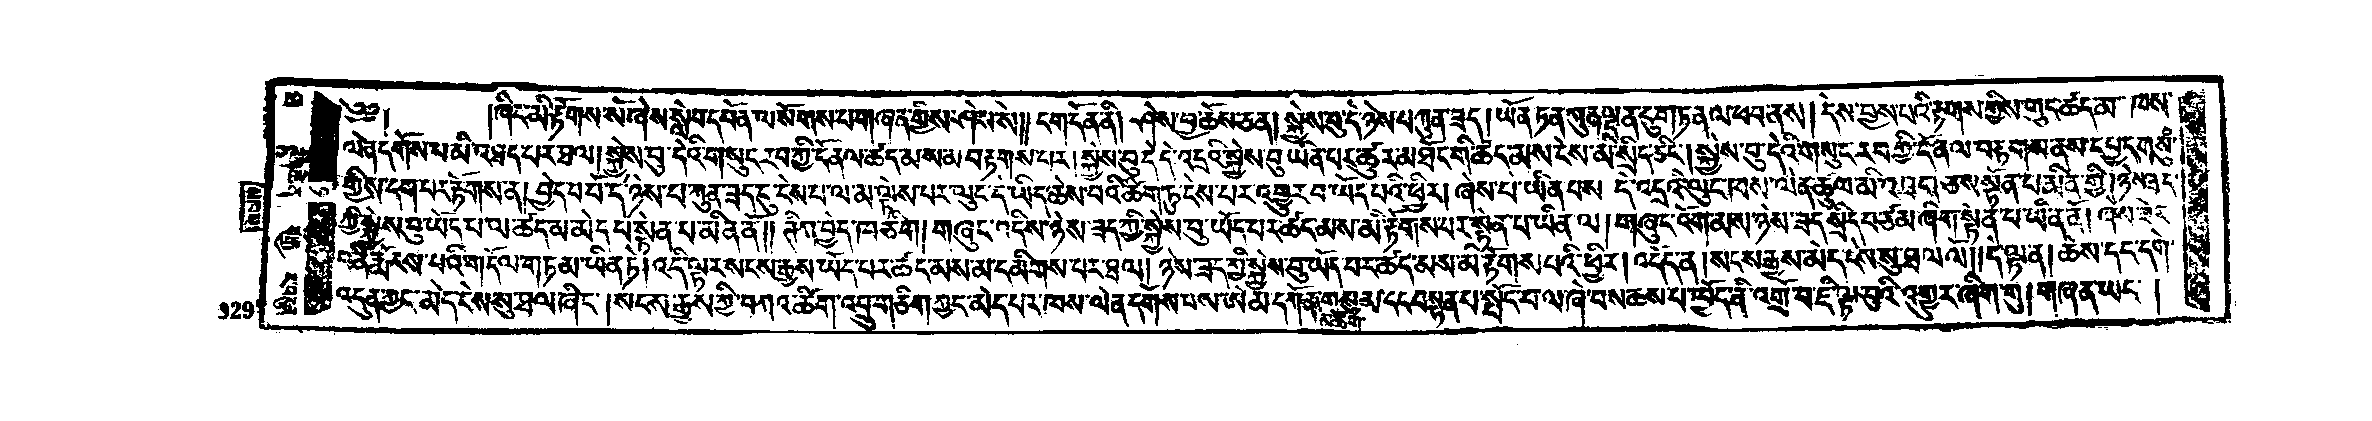༄༅། །ཞིང་མི་རྟོགས་སོ་ཞེས་སློབ་དཔོན་ལ་སོགས་པ་གཞན་གྱིས་ཤེས་སོ། །ངག་དོན་ནི། ཤེས་བྱ་ཆོས་ཅན། སྐྱེས་བུ་དེ་ཉེས་པ་ཀུན་ཟད། ཡོན་ཏན་ཀུན་ལྡན་དུ་གཏན་ལ་ཕབ་ནས། དེས་བྱས་པའི་རྟགས་ཀྱིས་གུང་ཚད་མ་ཁས་
ལེན་དགོས་པ་མི་འཐད་པར་ཐལ། སྐྱེས་བུ་དེའི་གསུང་རབ་ཀྱི་དོན་ལ་ཚད་མས་མ་བརྟགས་པར། སྐྱེས་བུ་དེ་དེ་འདྲའི་སྐྱེས་བུ་ཡིན་པར་ཚུར་མཐོང་གི་ཚད་མས་ངེས་མི་སྲིད་ཅིང་། སྐྱེས་བུ་དེའི་གསུང་རབ་ཀྱི་དོན་ལ་བརྟགས་ནས་དཔྱད་གསུམ་
གྱིས་དག་པར་རྟོགས་ན། བྱེད་པ་པོ་དེ་ཉེས་པ་ཀུན་ཟད་དུ་ངེས་པ་ལ་མ་ལྟོས་པར་ལུང་དེ་ཡིད་ཆེས་བའི་ཚིག་ཏུ་ངེས་པར་འགྱུར་བ་ཡོད་པའི་ཕྱིར། ཞེས་པ་ཡིན་པས། དེ་འདྲའི་ལུང་ཁས་ལེན་ཚུལ་མི་འཐད། ཅས་སྟོན་པ་མིན་གྱི། ཉེས་ཟད་
ཀྱི་སྐྱེས་བུ་ཡོད་པ་ལ་ཚད་མ་མེད་པ་སྟེན་པ་མིན་ནོ། །ཊིཀ་བྱེད་ཁ་ཅིག། གཞུང་འདིས་ཉེས་ཟད་ཀྱི་སྐྱེས་བུ་ཡོད་པར་ཚད་མས་མི་རྟོགས་པར་སྟེན་པ་ཡིན་ལ། གཞུང་འོག་མས་ཉེས་ཟད་སྲིད་པ་ཙམ་ཞིག་སྟེན་པ་ཡིན་ནོ། ཞེས་ཟེར་
བ་ནི་རྨོངས་པའི་གདོལ་གཏམ་ཡིན་ཏེ། འདི་ལྟར་སངས་རྒྱས་ཡོད་པར་ཚད་མས་མ་དམིགས་པར་ཐལ། ཉེས་ཟད་ཀྱི་སྐྱེས་བུ་ཡོད་པར་ཚད་མས་མི་རྟོགས་པའི་ཕྱིར། འདོད་ན། སངས་རྒྱས་མེད་ངེས་སུ་ཐལ་ལོ། །དེ་ལྟ་ན། ཆོས་དང་དགེ་
འདུན་ཀྱང་མེད་ངེས་སུ་ཐལ་ཞིང་། སངས་རྒྱས་ཀྱི་བཀའ་ཚིག་འབྲུ་གཅིག་ཀྱང་མེད་པར་ཁས་ལེན་དགོས་པས་ཨེ་མ་དཀོན་མཆོག་གསུམ་དང་བསྟན་པ་སྤོང་བ་ལ་ཞེ་བས་ཆས་པ་ཁྱོད་ནི་འགྲོ་བ་ཇི་ལྟ་བུའི་འགྱུར་ཞིག་གུ། གཞན་ཡང་།